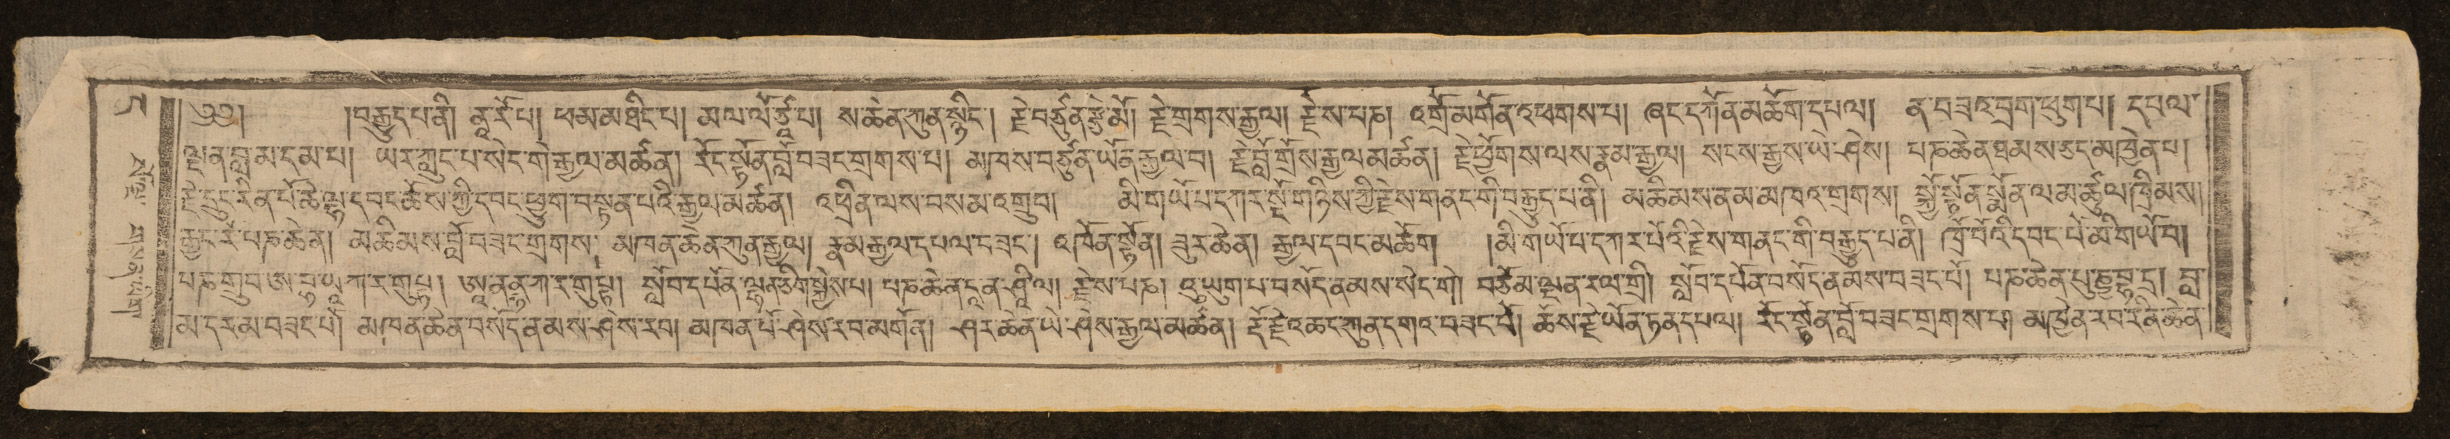༄༅། །བརྒྱུད་པ་ནི། ནཱ་རོ་པ། ཕམ་མཐིང་པ། མལ་ལོ་ཙཱ་པ། ས་ཆེན་ཀུན་སྙིང་། རྗེ་བཙུན་རྩེ་མོ། རྗེ་གྲགས་རྒྱལ། རྗེས་པཎ། འགྲོ་མགོན་འཕགས་པ། ཞང་དཀོན་མཆོག་དཔལ། ན་བཟའ་བྲག་ཕུག་པ། དཔལ་
ལྡན་བླ་མ་དམ་པ། ཡར་ཀླུང་པ་སེང་གེ་རྒྱལ་མཚན། རོང་སྟོན་བློ་བཟང་གྲགས་པ། མཁས་བཙུན་ཡོན་རྒྱལ་བ། རྗེ་བློ་གྲོས་རྒྱལ་མཚན། རྗེ་ཕྱོགས་ལས་རྣམ་རྒྱལ། སངས་རྒྱས་ཡེ་ཤེས། པཎ་ཆེན་ཐམས་ཅད་མཁྱེན་པ།
རྗེ་དྲུང་རིན་པོ་ཆེ་ལྷ་དབང་ཆོས་ཀྱི་དབང་ཕྱུག་བསྟན་པའི་རྒྱལ་མཚན། འཕྲིན་ལས་བསམ་འགྲུབ། མི་གཡོ་པ་དཀར་སྔོ་གཉིས་ཀྱི་རྗེས་གནང་གི་བརྒྱུད་པ་ནི། མཆིམས་ནམ་མཁའ་གྲགས། སྐྱོ་སྟོན་སྨོན་ལམ་ཚུལ་ཁྲིམས།
རྒྱང་རོ་པཎ་ཆེན། མཆིམས་བློ་བཟང་གྲགས། མཁན་ཆེན་ཀུན་རྒྱལ། རྣམ་རྒྱལ་དཔལ་བཟང་། འཁོན་སྟོན། ཟུར་ཆེན། རྒྱལ་དབང་མཆོག །མི་གཡོ་པ་དཀར་པོའི་རྗེས་གནང་གི་བརྒྱུད་པ་ནི། ཁྲོ་བོའི་དབང་པོ་མི་གཡོ་བ།
པཎ་གྲུབ་ཨ་བྷ་ཡཱ་ཀ་ར་གུཔྟ། ཨཱ་ནཉ་ཀ་ར་གུཔྟ། སློབ་དཔོན་ལྷན་ཅིག་སྐྱེས་པ། པཎ་ཆེན་དཱ་ན་ཤཱི་ལ། རྗེས་པཎ། འུ་ཡུག་པ་བསོད་ནམས་སེང་གེ། བཅོམ་ལྡན་རལ་གྲི། སློབ་དཔོན་བསོད་ནམས་བཟང་པོ། པཎ་ཆེན་པུ་ཎྱ་བྷ་དྲ། བླ་
མ་དར་མ་བཟང་པོ། མཁན་ཆེན་བསོད་ནམས་ཤེས་རབ། མཁན་པོ་ཤེས་རབ་མགོན། ཤར་ཆེན་ཡེ་ཤེས་རྒྱལ་མཚན། རྡོ་རྗེས་འཆང་ཀུན་དགའ་བཟང་པོ། ཆོས་རྗེ་ཡོན་ཏན་དཔལ། རོང་སྟོན་བློ་བཟང་གྲགས་པ། མཁྱེན་རབ་རིན་ཆེན་